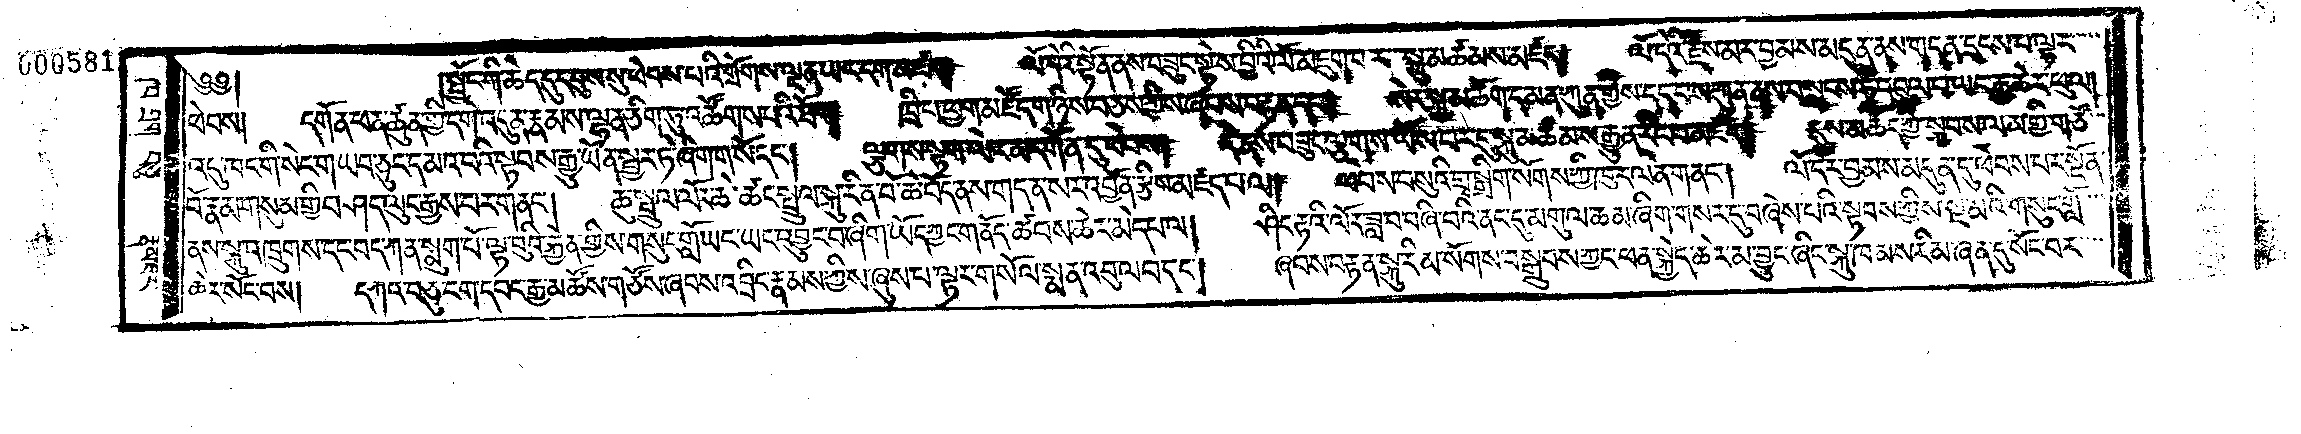༄༅། །སྦྱོང་གི་ཆེད་དུ་དབུས་སུ་ཕེབས་པའི་གྲེགས་ལྡན་ཡང་དག་མཛད། ལོ་དེའི་སྟོན་ནས་བཟུང་སྟེ་ས་བྱིའི་ལོ་མཇུག་བར་སྐུ་མཚམས་མཛད། ལོ་དེའི་རྗེས་མར་བྱམས་མདུན་ནས་གདན་དྲངས་པ་ལྟར་
ཕེབས། དགོན་ཕན་ཚུན་གྱི་དགེ་འདུན་རྣམས་ལྷན་ཅིག་ཏུ་འཚོགས་པའི་ཐོག། ཁྲི་པ་ཕྱག་མཛོད་གཉིས་བཅས་ཀྱིས་ཞབས་བརྟན་དང་། སེར་སྐྱ་མཆོག་དམན་ཀུན་གྱིས་དད་པས་ཀུན་ནས་བསླངས་ཏེ་འབུལ་བ་ཡང་རྒྱ་ཆེར་ཕུལ།
འདུ་ཁང་གི་སེང་གཡབ་ཅུང་དམའ་བའི་སྟབས་རྒྱུ་ཡོན་སྦྱར་ཏེ་ཞིག་གསོ་དང་། ལྕགས་སྟག་ལོར་མ་དགོན་དུ་ཕེབས། དེ་ནས་བཟུང་ལྕགས་ཡོས་བར་དུ་སྐུ་མཚམས་རྒྱུན་རིང་བ་མཛད། དུས་མཆོད་ཀྱི་སྐབས་ལམ་གྱི་གཙོ་
བོ་རྣམ་གསུམ་གྱི་བཤད་ལུང་རྒྱས་པར་གནང་། ཆུ་སྦྲུལ་ལོར་ཆེ་ཚང་སྦྲུལ་སྐུ་རིན་པོ་ཆེ་བོད་ནས་གདན་སར་འབྱོན་རྩིས་མཛད་པ་ལ། ཕེབས་བསུའི་གྲྭ་སྒྲིག་སོགས་ཀྱི་ཁུར་ལེན་གནང་། ལོ་དེར་བྱམས་མདུན་དུ་ཕེབས་པར་སྔོན་
ནས་སྐུ་འཁྲུགས་དང་བད་ཀན་སྨུག་པོ་ལྟ་བུའི་རྐྱེན་གྱིས་གསུང་གློ་ཡང་ཡང་འབྱུང་བ་ཞིག་ཡོད་ཀྱང་གནོད་ཚབས་ཆེར་མེད་པ་ལ། ཤིང་རྟའི་ལོར་ཟླ་བ་བཞི་པའི་ནང་དུ་མགུལ་ཆམ་ཞིག་གསར་དུ་བཞེས་པའི་སྟབས་ཀྱིས་སྔ་མའི་གསུང་གློ་
ཆེར་སོང་བས། དཀའ་བཅུ་ངག་དབང་རྒྱ་མཚོས་གཙོས་ཞབས་འབྲིང་རྣམས་ཀྱིས་ཞུས་པ་ལྟར་གསོལ་སྨན་འབུལ་བ་དང་། ཞབས་བརྟན་སྐུ་རིམ་སོགས་བསྒྲུབས་ཀྱང་ཕན་སྐྱེད་ཆེར་མ་བྱུང་ཞིང་སྐུ་ཁམས་རིམ་ཞན་དུ་སོང་བར་